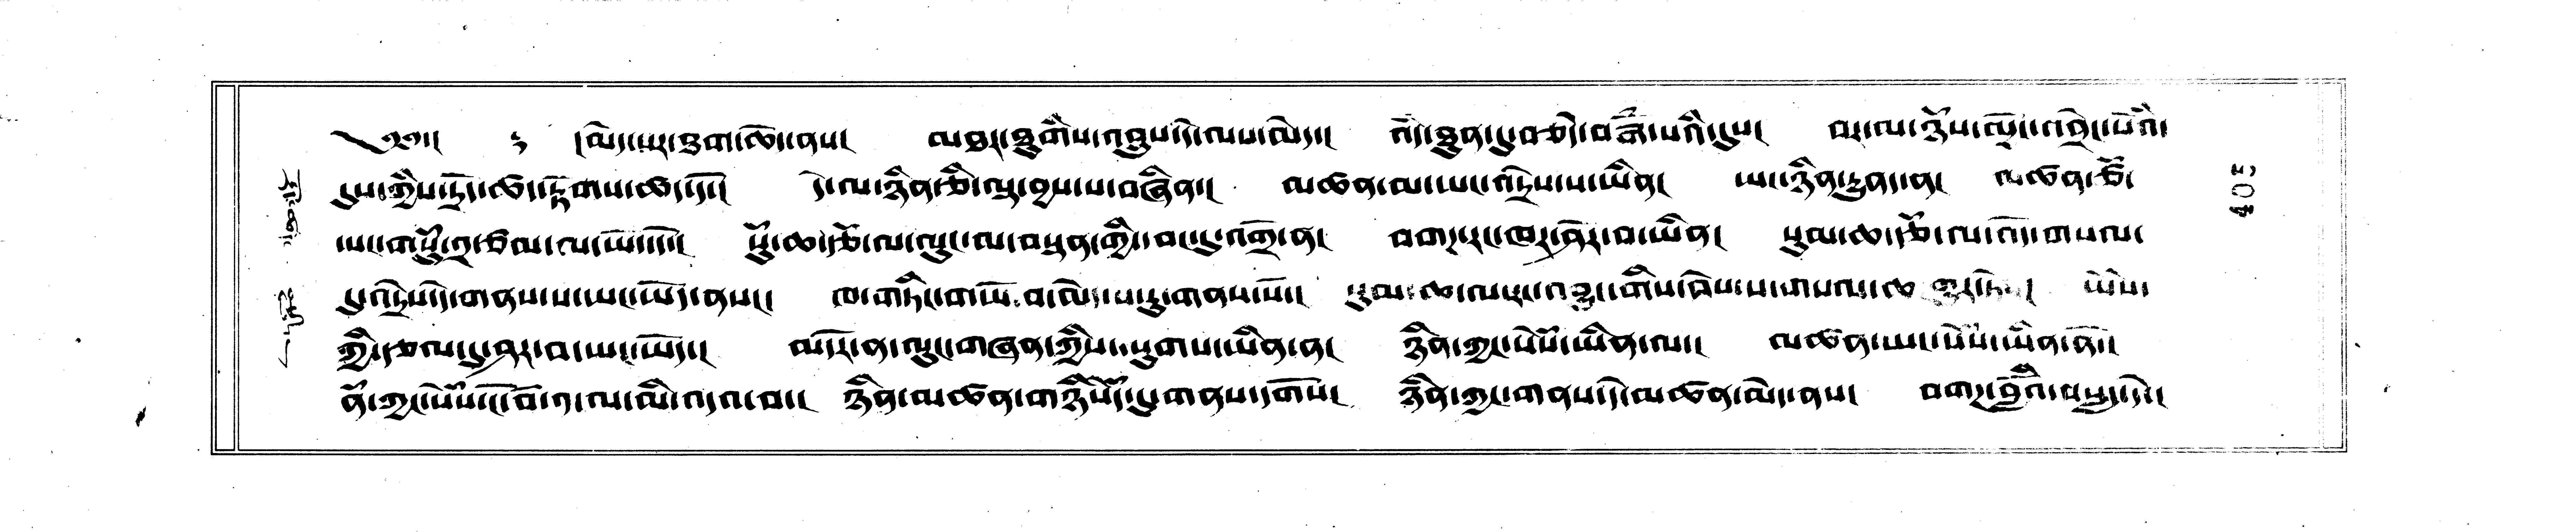མེད་པར་ཐག་ཆོད་ན། མཐར་ཐུག་གིས་འབྲས་བུ་དེ་ལས་མེད། འདི་ཐུན་དུ་བཅད་དེ་སྒོམ་པའི་དུས། བར་མ་ཉམས་མྱོང་འབྲིང་པོའི། 
དུས་ཀྱིས་རྟགས་ཚད་དང་དྲོད་ཚད་དོ། དེ་ལ་ཉིན་ཅི་ལྟར་གནས་པ་བཞིན། མཚན་ཀྱང་འདྲེས་སོ་ཡོད། ཡང་ཉིན་རྒྱུན་ཆད་མེད་ན། མཚན་ཙ་
ཡང་སུམ་གཉིས་ཙམ་ལ་ཡོད་སྟེ། སུམ་ཆ་ཙམ་ལ་ལུང་མ་བསྟན་གིས་དབང་དུ་འགྲོ་ནས། བག་ཆགས་རང་ཁར་ཤོར་བ་ཡིན། སུམ་ཆ་ཙམ་འོད་གསལ་
དུ་འདྲེས་ཏེ་གནས་པ་ཡང་ཡོད། སུམ་ཆ་ཙམ་ལ་མཁའ་གཏིང་གཡོ་བ་མེད་པ་རུ་གནས་སོ། སུམ་ཆ་ཙམ་ལ་རང་འབྱུང་གིས་ཤེས་པ་གསལ་ཆར་འགྱུར་ཏེ་ཡེ་ཤེས་
ཀྱིས་རྩལ་དུ་ཤར་བ་ཡང་ཡོད་། མདོར་ན་ལུང་གཞན་གྱིས་ལུགས་ཡིན་ན། ཉིན་ཀྱང་སེམས་ཡིན་ལ་མཚན་ཀྱང་སེམས་ཡིན་ནོ། 
ནམ་ཀྱང་༼ཡང་༽སེམས་ངོའོ་ཅིག་ལས་མ་དྷ་(འདའ)བས་ཉིན་མཚན་གཉིས་མེད་དུ་གནས་དགོས། ཉིན་གནས་ཤིང་ནུབ་མ་གནས་ན། བག་ཆགས་བློའི་བསླད་དེ།